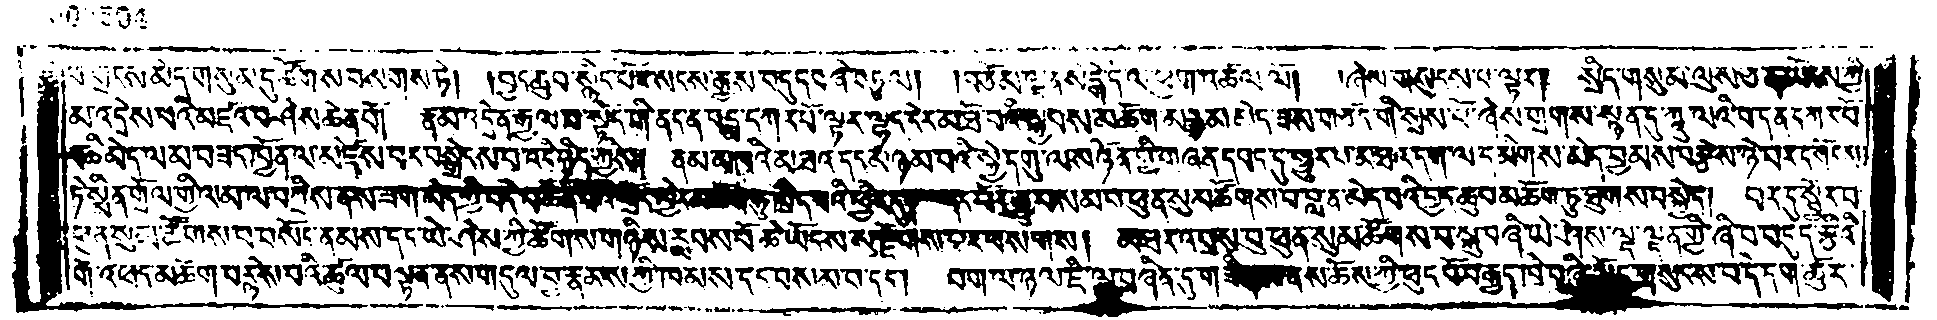བ་གྲངས་མེད་གསུམ་དུ་ཚོགས་བསགས་ཏེ། །བྱང་ཆུབ་སྙིང་པོར་སངས་རྒྱས་བདུད་བཞི་བཏུལ། །བཅོམ་ལྡན་སེངྒེ་དེ་ལ་ཕྱག་འཚལ་ལོ། །ཞེས་གསུངས་པ་ལྟར། སྲིད་གསུམ་ལུས་ཅན་ཡོངས་ཀྱི་
མ་འདྲེས་པའི་མཛའ་བཤེས་ཆེན་པོ། རྣམ་འདྲེན་རྒྱལ་བ་སྟོང་གི་ནད་ན་པདམ་དཀར་པོ་ལྟར་ལྷང་ངེར་མཐོ་བའི་སྐྱབས་མཆོག་མཉམ་མེད་ཟས་གཙང་གི་སྲས་པོ་ཞེས་གྲགས་སྙན་དུ་ཀཱུ་ལའི་བ་དན་དཀར་པོ་
འཆི་མེད་ལམ་བཟང་ཁྱོན་ལ་མཛེས་པར་བསྒྲེངས་པ་འདི་ཉིད་ཀྱིས། ནམ་མཁའི་མཐའ་དང་མཉམ་པའི་སྐྱེ་དགུ་ལས་ཉོན་གྱི་གཞན་དབང་དུ་གྱུར་པ་མཐའ་དག་ལ་དམིགས་མེད་བྱམས་བརྩེས་ཉེ་བར་དགོངས་
ཏེ་སྨིན་གྲོལ་གྱི་ལམ་ལ་བཀྲིས་ནས་ཟག་མེད་ཀྱི་བདེ་བ་ཆེན་པོའི་གྲོང་ཁྱེར་མཆོག་ཏུ་ཁྲིད་པའི་ཕྱིར་དུ། དང་པོར་རྒྱུ་བསམ་པ་ཕུན་སུམ་ཚོགས་པ་བླ་ན་མེད་པའི་བྱང་ཆུབ་མཆོག་ཏུ་ཐུགས་བསྐྱེད། བར་དུ་སྦྱོར་བ་
ཕུན་སུམ་ཚོགས་པ་བསོད་ནམས་དང་ཡེ་ཤེས་ཀྱི་ཚོགས་གཉིས་རླབས་པོ་ཆེ་ཡོངས་སུ་རྫོགས་པར་བསགས། མཐར་འབྲས་བུ་ཕུན་སུམ་ཚོགས་པ་སྐུ་བཞི་ཡེ་ཤེས་ལྔ་ལྡན་གྱི་ཞི་བ་བདུད་རྩིའི་
གོ་འཕང་མཆོག་བརྙེས་པའི་ཚུལ་བསྟན་ནས་གདུལ་བྱ་རྣམས་ཀྱི་ཁམས་དང་བསམ་པ་དང་། བག་ལ་ཉལ་ཇི་ལྟ་བཞིན་དུ་གཟིགས་ནས་ཆོས་ཀྱི་ཕུང་པོ་བརྒྱད་ཁྲི་བཞི་སྟོང་གསུངས་པ་དེ་དག་ཚུར་